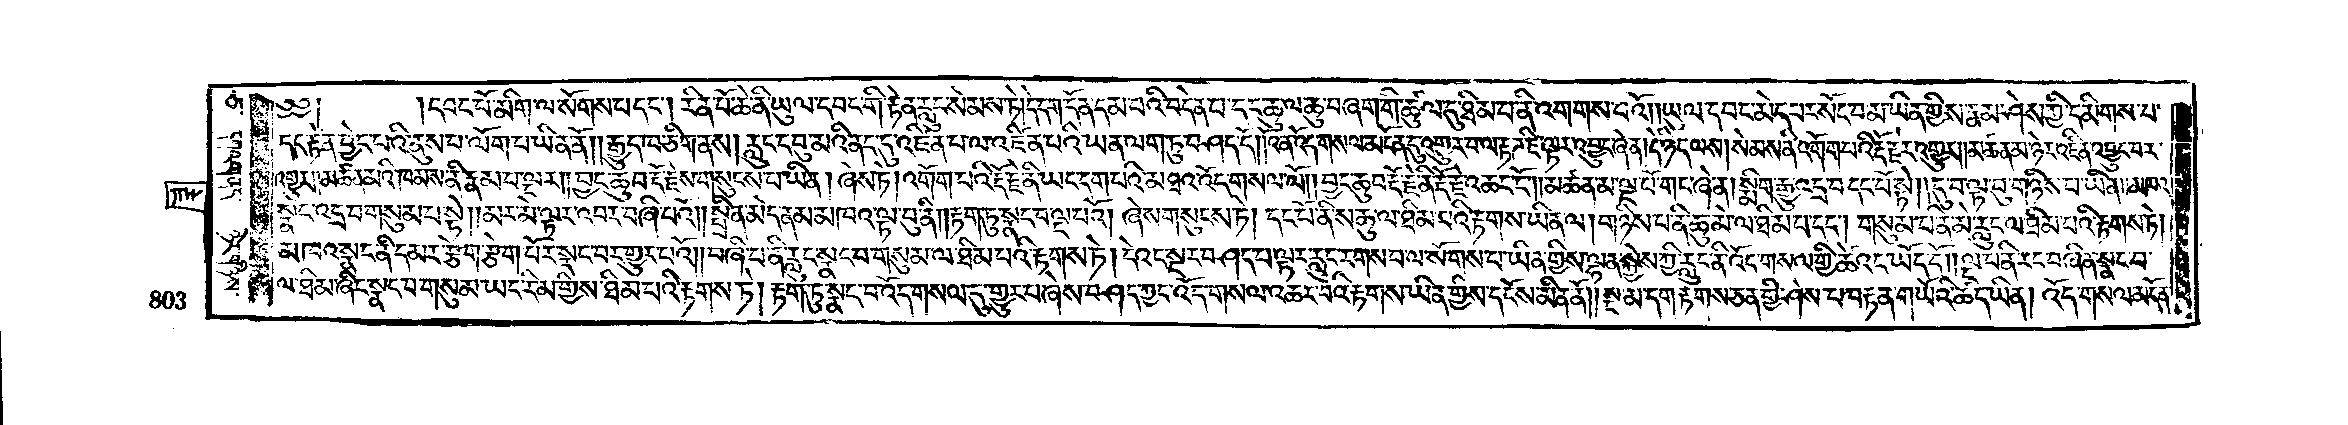༄༅། །དབང་པོ་མིག་ལ་སོགས་པ་དང་། རིན་པོ་ཆེ་ནི་ཡུལ་དབང་གི་རྟེན་རླུང་སེམས་ཏེ། དེ་དག་དོན་དམ་པའི་བདེན་པ་དང་ཆུ་ལ་ཆུ་བཞག་གི་ཚུལ་དུ་ཐིམ་པ་ནི་འགགས་པའོ། །ཡུལ་དབང་མེད་པར་སོང་བ་མ་ཡིན་གྱིས་རྣམ་ཤེས་ཀྱི་དམིགས་པ་
དང་རྟེན་བྱེད་པའི་ནུས་པ་ལོག་པ་ཡིན་ནོ། །རྒྱུད་ཁ་ཅིག་ནས། རླུང་དབུ་མའི་ནང་དུ་འཛིན་པ་ལ་འཛིན་པའི་ཡན་ལག་ཏུ་བཤད་དོ། །འོ་ན་འོད་གསལ་མངོན་དུ་འགྱུར་བ་ལ་རྟགས་ཇི་ལྟར་འབྱུང་ཞེ་ན། དེ་ཉིད་ལས། སེམས་ནི་འགོག་པའི་རྡོ་རྗེར་འགྱུར། །མཚན་མ་ཉེར་འཛིན་འབྱུང་བར་
འགྱུར། །མཚན་མའི་ཁམས་ནི་རྣམ་པ་ལྔར། །བྱང་ཆུབ་རྡོ་རྗེས་གསུངས་པ་ཡིན། ཞེས་ཏེ། འགོག་པའི་རྡོ་རྗེ་ནི་ཡང་དག་པའི་མཐའ་འོད་གསལ་ལོ། །བྱང་ཆུབ་རྡོ་རྗེ་ནི་རྡོ་རྗེ་འཆང་ངོ། །མཚན་མ་ལྔ་པོ་གང་ཞེ་ན། སྨིག་རྒྱུ་འདྲ་བ་དང་པོ་སྟེ། །དུ་བ་ལྟ་བུ་གཉིས་པ་ཡིན། །མཁའ་
སྣང་འདྲ་བ་གསུམ་པ་སྟེ། །མར་མེ་ལྟར་འབར་བཞི་པའོ། །སྤྲིན་མེད་ནམ་མཁའ་ལྟ་བུ་ནི། །རྟག་ཏུ་སྣང་བ་ལྔ་པའོ། ཞེས་གསུངས་ཏེ། དང་པོ་ནི་ས་ཆུ་ལ་ཐིམ་པའི་རྟགས་ཡིན་ལ། གཉིས་པ་ནི་ཆུ་མེ་ལ་ཐིམ་པ་དང་། གསུམ་པ་ནི་མེ་རླུང་ལ་ཐིམ་པའི་རྟགས་ཏེ།
ཉིད་དུ་གྱུར་པ་ནི་རྣམ་པར་བསྒོམ་པའོ། །རིམ་པ་དེ་ཉི་བཞི་པ་ནི་རླུང་སྣང་བ་གསུམ་ལ་ཐིམ་པའི་རྟགས་ཏེ། དེའང་སྔར་བཤད་པ་ལྟར་རླུང་རགས་པ་ལ་སོགས་པ་ཡིན་གྱིས་ལྷན་སྐྱེས་ཀྱི་རླུང་ནི་འོད་གསལ་གྱི་ཚེའང་ཡོད་དོ། །ལྔ་པ་ནི་རང་བཞིན་སྣང་བ་
ལ་ཐིམ་ཞིང་སྣང་བ་གསུམ་ཡང་རིམ་གྱིས་ཐིམ་པའི་རྟགས་ཏེ། རྟག་ཏུ་སྣང་བ་འོད་གསལ་དུ་གྱུར་པ་ཞེས་བཤད་ཀྱང་འོད་གསལ་འཆར་བའི་རྟགས་ཡིན་གྱིས་དངོས་མིན་ནོ། །སྔ་མ་དག་རྟགས་ཅན་གྱི་ཤེས་པ་བརྟན་གཡོའི་ཚད་ཡིན། འོད་གསལ་མངོན་